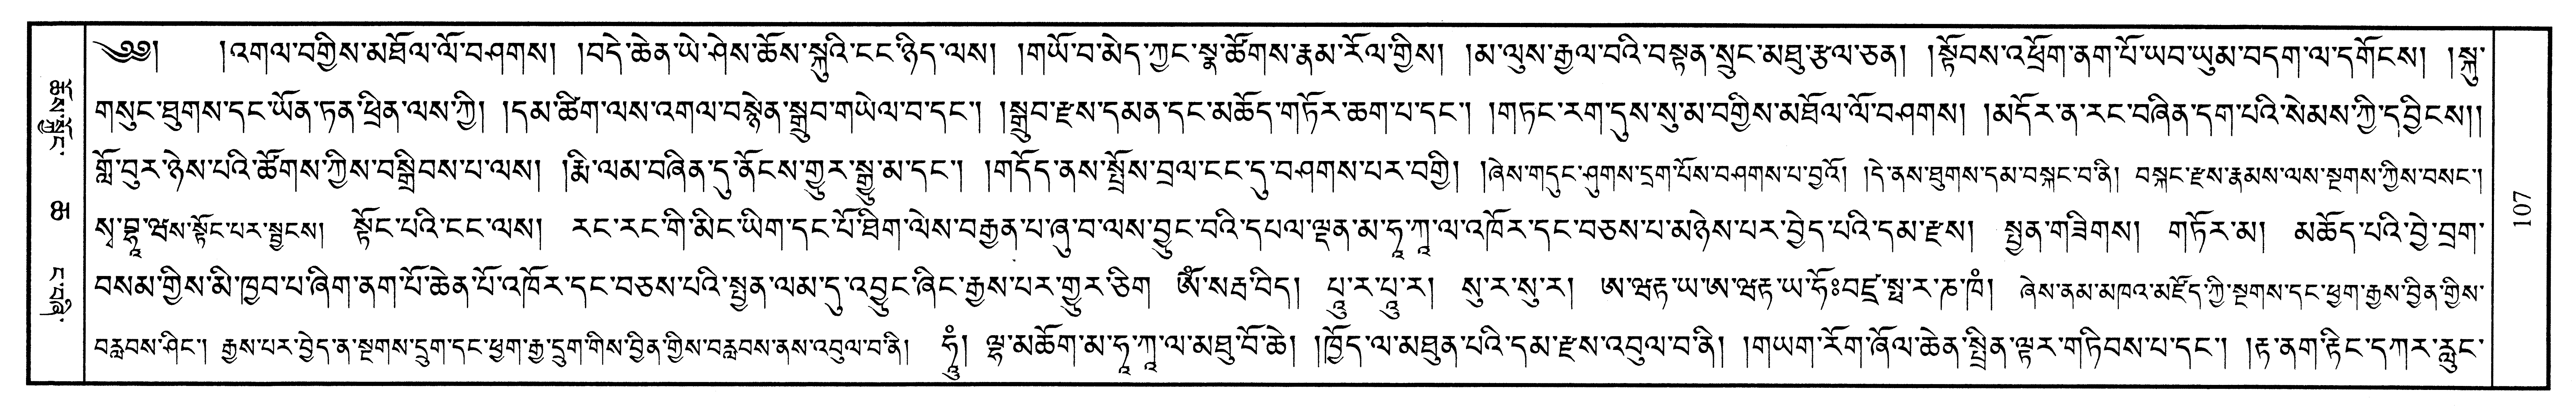༄༅། །འགལ་བགྱིས་མཐོལ་ལོ་བཤགས། །བདེ་ཆེན་ཡེ་ཤེས་ཆོས་སྐུའི་ངང་ཉིད་ལས། །གཡོ་བ་མེད་ཀྱང་སྣ་ཚོགས་རྣམ་རོལ་གྱིས། །མ་ལུས་རྒྱལ་བའི་བསྟན་སྲུང་མཐུ་རྩལ་ཅན། །སྟོབས་འཕྲོག་ནག་པོ་ཡབ་ཡུམ་བདག་ལ་དགོངས། །སྐུ་
གསུང་ཐུགས་དང་ཡོན་ཏན་ཕྲིན་ལས་ཀྱི། །དམ་ཚིག་ལས་འགལ་བསྙེན་སྒྲུབ་གཡེལ་བ་དང་། །སྒྲུབ་རྫས་དམན་དང་མཆོད་གཏོར་ཆག་པ་དང་། གཏང་རག་དུས་སུ་མ་བགྱིས་མཐོལ་ལོ་བཤགས། །མདོར་ན་རང་བཞིན་དག་པའི་སེམས་ཀྱི་དབྱིངས།།
གློ་བུར་ཉེས་པའི་ཚོགས་ཀྱིས་བསྒྲིབས་པ་ལས། །རྨི་ལམ་བཞིན་དུ་ནོངས་གྱུར་སྒྱུ་མ་དང་། །གདོད་ནས་སྤྲོས་བྲལ་ངང་དུ་བཤགས་པར་བགྱི། །ཞེས་གདུང་ཤུགས་དྲག་པོས་བཤགས་པ་བྱའོ། །དེ་ནས་ཐུགས་དམ་བསྐང་བ་ནི། བསྐང་རྫས་རྣམས་ལས་སྔགས་ཀྱིས་བསང་།
སྭ་བྷཱ་ཝས་སྟོང་པར་སྦྱངས། སྟོང་པའི་ངང་ལས། རང་རང་གི་མིང་ཡིག་དང་པོ་ཐིག་ལེས་བརྒྱན་པ་ཞུ་བ་ལས་བྱུང་བའི་དཔལ་ལྡན་མ་ཧཱ་ཀཱ་ལ་འཁོར་དང་བཅས་པ་མཉེས་པར་བྱེད་པའི་དམ་རྫས། སྤྱན་གཟིགས། གཏོར་མ། མཆོད་པའི་བྱེ་བྲག་
བསམ་གྱིས་མི་ཁྱབ་པ་ཞིག་ནག་པོ་ཆེན་པོ་འཁོར་དང་བཅས་པའི་སྤྱན་ལམ་དུ་འབྱུང་ཞིང་རྒྱས་པར་གྱུར་ཅིག་ཨོཾ་སརྦ་བིད། པཱུ་ར་པཱུ་ར། སུ་ར་སུ་ར། ཨ་ཝརྟ་ཡ་ཨ་ཝརྟ་ཡ་ཧོཿ བཛྲ་སྥ་ར་ཎ་ཁཾ། ཞེས་ནམ་མཁའ་མཛོད་ཀྱི་སྔགས་དང་ཕྱག་རྒྱས་བྱིན་གྱིས་
བརླབས་ཤིང་། རྒྱས་པར་བྱེད་ན་སྔགས་དྲུག་དང་ཕྱག་རྒྱ་དྲུག་གིས་བྱིན་གྱིས་བརླབས་ནས་འབུལ་བ་ནི། ཧཱུཾ། ལྷ་མཆོག་མ་ཧཱ་ཀཱ་ལ་མཐུ་བོ་ཆེ། །ཁྱོད་ལ་མཐུན་པའི་དམ་རྫས་འབུལ་བ་ནི། །གཡག་རོག་ཞོལ་ཆེན་སྤྲིན་ལྟར་གཏིབས་པ་དང་། །རྟ་ནག་རྟིང་དཀར་རླུང་